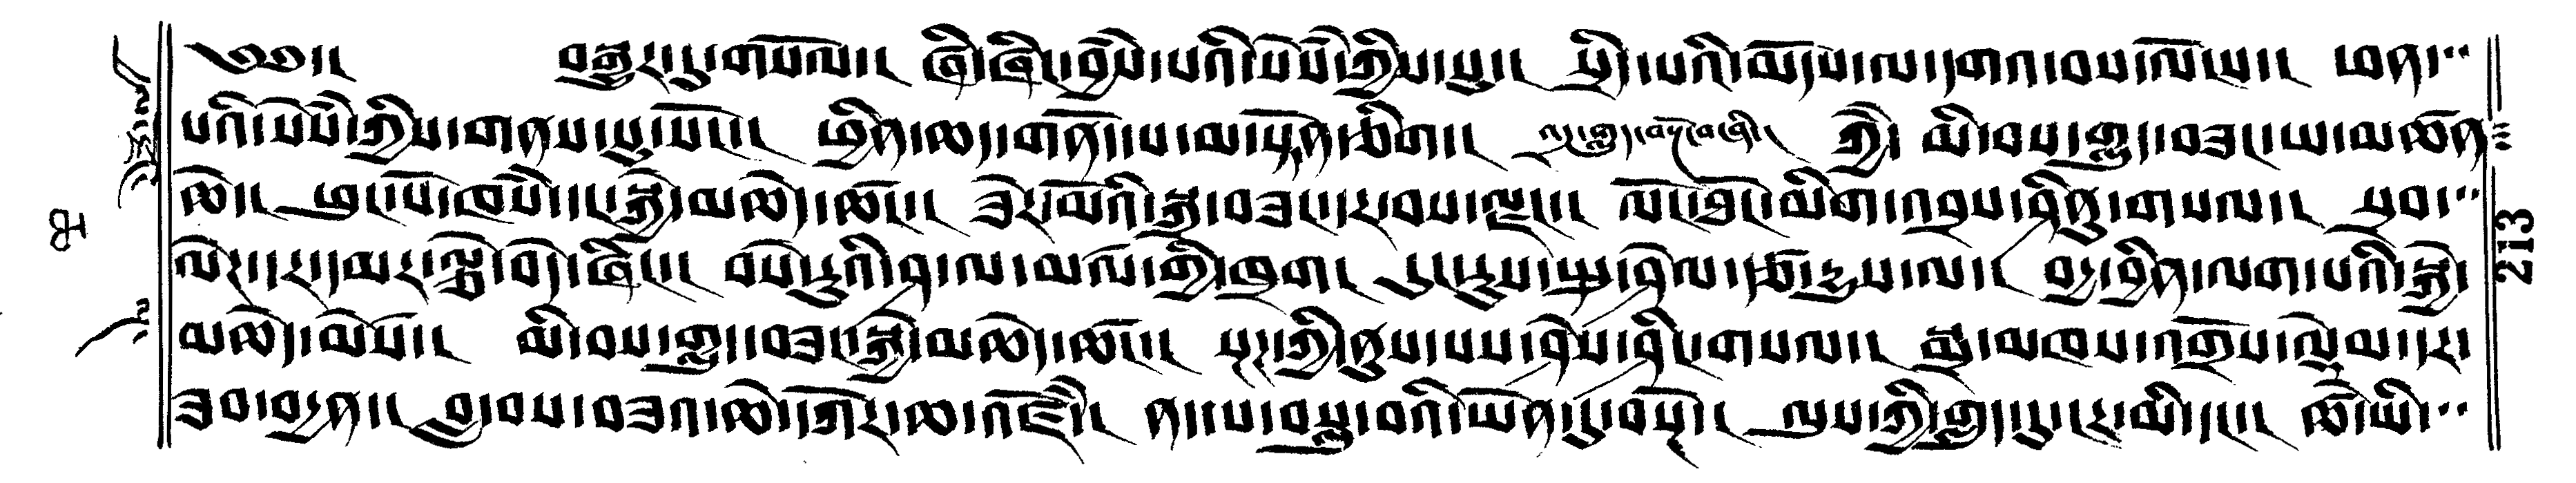བསྒྱུར་དུ་གསོལ། །ཞི་ཞིང་བྱམས་པའི་སེམས་ཀྱིས་སུ། །སྲིད་པའི་མདོས་ལ་དགའ་བས་ལོངས། །ཕན་
པའི་སེམས་ཀྱིས་གནས་སུ་སོང་། །ཕྱིན་ཆད་གནོད་པ་མ་སྟོན་ཅིག འདྲ་གླུད་བསྔོ་བ་ནི། ཀྱཻ། །མི་བས་གླུད་བཟང་ཡ་མཚན་
ཆེ། །ཕུང་པོ་ཁམས་དང་སྐྱེ་མཆེད་ཚང་། །ཟེར་མོའི་སྐྲ་བཟང་དར་བས་ལྗང་། །ལུང་ཐང་མིག་འབྲས་ཤིན་ཏུ་གསལ། །སྲབ་
ལེགས་དར་དམར་ལྕེ་བདེ་ཞིང་། །བསེ་རུའི་ཤ་ལ་མཚལ་གྱི་ཁྲག །དུང་རུས་སྤུ་ཤེལ་རྩ་རྒྱུས་ལ། །བརྒྱ་བྱིན་ལག་པའི་སྐྱེ་
མཆེད་མཛེས། །མི་བས་གླུད་བཟང་སྐྱེ་མཆེད་ཚང་། །སྔགས་ཀྱི་ནུས་པས་ཤེས་ཤིང་གསལ། །སྨྲ་མཁས་འགྲོས་ལྡེམ་དར་
ཟབ་བརྒྱན། །བླ་བས་བཟའ་ཆེ་དཀོར་ཆ་འཛོམ། །ནད་པ་བསླུ་བའི་ཡོན་དུ་བསྔོ། །ལུས་ཀྱི་གླུད་དུ་ངར་མི་དང་། །ཚེ་ཡི་